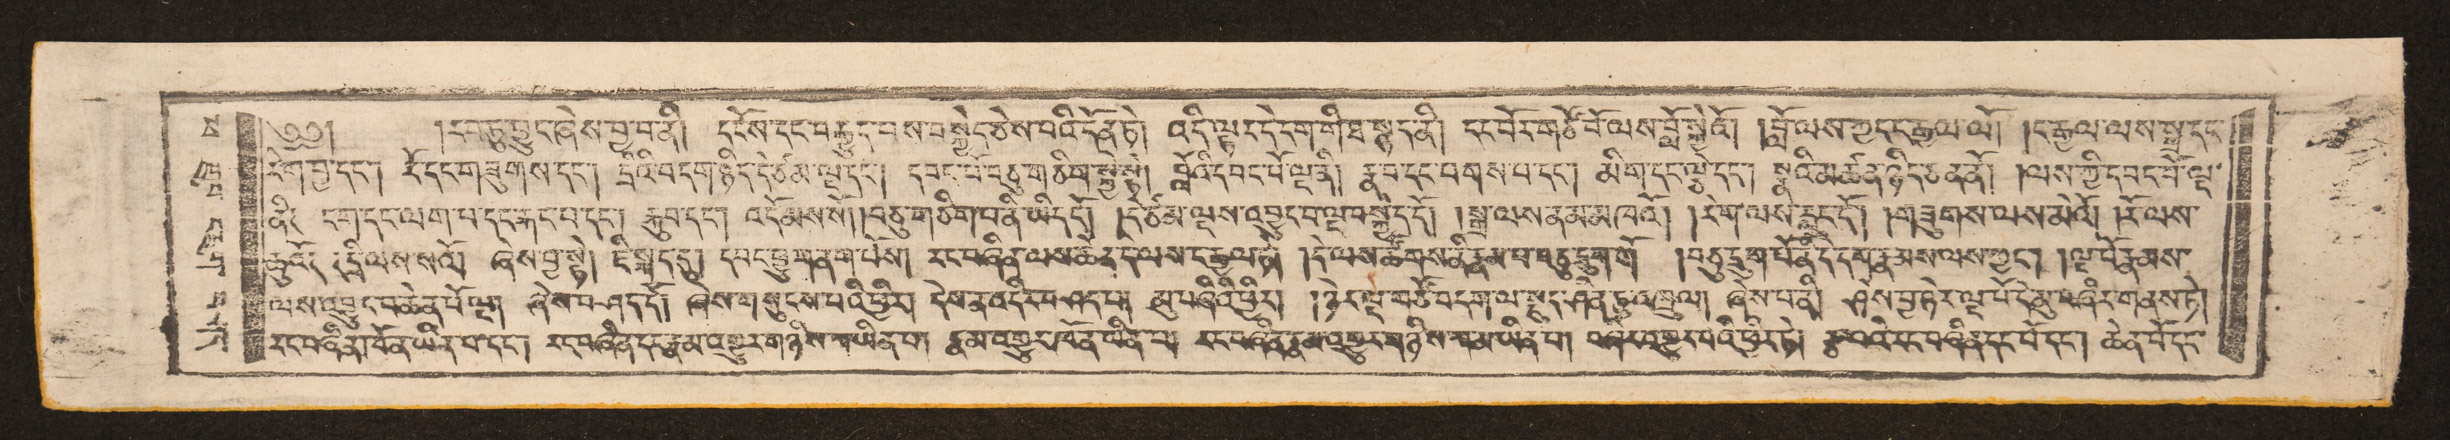༄༅། །རབ་ཏུ་བྱུང་ཞེས་བྱ་བ་ནི། དངོས་དང་བརྒྱུད་པས་བསྐྱེད་ཅེས་པའི་དོན་ཏེ། འདི་ལྟར་དེ་དག་གི་ཐ་སྙད་ནི། དང་པོར་གཙོ་བོ་ལས་བློ་སྐྱེའོ། །བློ་ལས་ཀྱང་ང་རྒྱལ་ལོ། །ང་རྒྱལ་ལས་སྒྲ་དང་
རེག་བྱ་དང་། རོ་དང་གཟུགས་དང་། དྲིའི་བདག་ཉིད་དེ་ཙམ་ལྔ་དང་། དབང་པོ་བཅུ་གཅིག་སྐྱེ་སྟེ། བློའི་དབང་པོ་ལྔ་ནི། རྣ་བ་དང་པགས་པ་དང་། མིག་དང་ལྕེ་དང་། སྣའི་མཚན་ཉིད་ཅན་ནོ། །ལས་ཀྱི་དབང་པོ་ལྔ་
ནི༑ ངག་དང་ལག་པ་དང་རྐང་པ་དང་། རྐུབ་དང་། འདོམས་སོ། །བཅུ་གཅིག་པ་ན་ཡིད་དོ། །དེ་ཙམ་ལྔས་འབྱུང་བ་ལྔ་བསྐྱེད་དོ། །སྒྲ་ལས་ནམ་མཁའོ། །རེག་ལས་རླུང་ངོ། །གཟུགས་ལས་མེའོ། །རོ་ལས་
ཆུའོ༑ ༑དྲི་ལས་སའོ། ཞེས་བྱ་སྟེ། ཇི་སྐད་དུ། དབང་ཕྱུག་ནག་པོས། རང་བཞིན་ལས་ཆེན་དེ་ལས་ང་རྒྱལ་ཏེ། །དེ་ལས་ཚོགས་ནི་རྣམ་པ་བཅུ་དྲུག་གོ །བཅུ་དྲུག་པོ་ནི་དེ་དགྲ་རྣམས་ལས་ཀྱང་། །ལྔ་བོ་རྣམས་
ལས་འབྱུང་བ་ཆེན་པོ་ལྔ། ཞེས་བཤད་དོ། ཞེས་གསུངས་པའི་ཕྱིར། དེས་ན་འདིར་བཤད་པ། མུ་བཞིའི་ཕྱིར། །ཉེར་ལྔ་གཙོ་བདག་ལ་སྡུད་ཤིན་ཏུ་འཁྲུལ། ཞེས་པ་ནི། ཤས་བྱ་ཉེར་ལྔ་བོ་དེ་མུ་བཞིར་གནས་ཏེ།
རང་བཞིན་ཁོ་ན་ཡིན་པ་དང་། རང་བཞིན་དང་རྣམ་འགྱུར་གཉིས་ཀ་ཡིན་པ། རྣམ་འགྱུར་ཁོ་ན་ཡིན་པ། རང་བཞིན་རྣམ་འགྱུར་གཉིས་ཀ་མ་ཡིན་པ། བཞིར་འགྱུར་བའི་ཕྱིར་ཏེ། རྩ་བའི་རང་བཞིན་དང་པོ་དང་། ཆེན་པོ་དང་